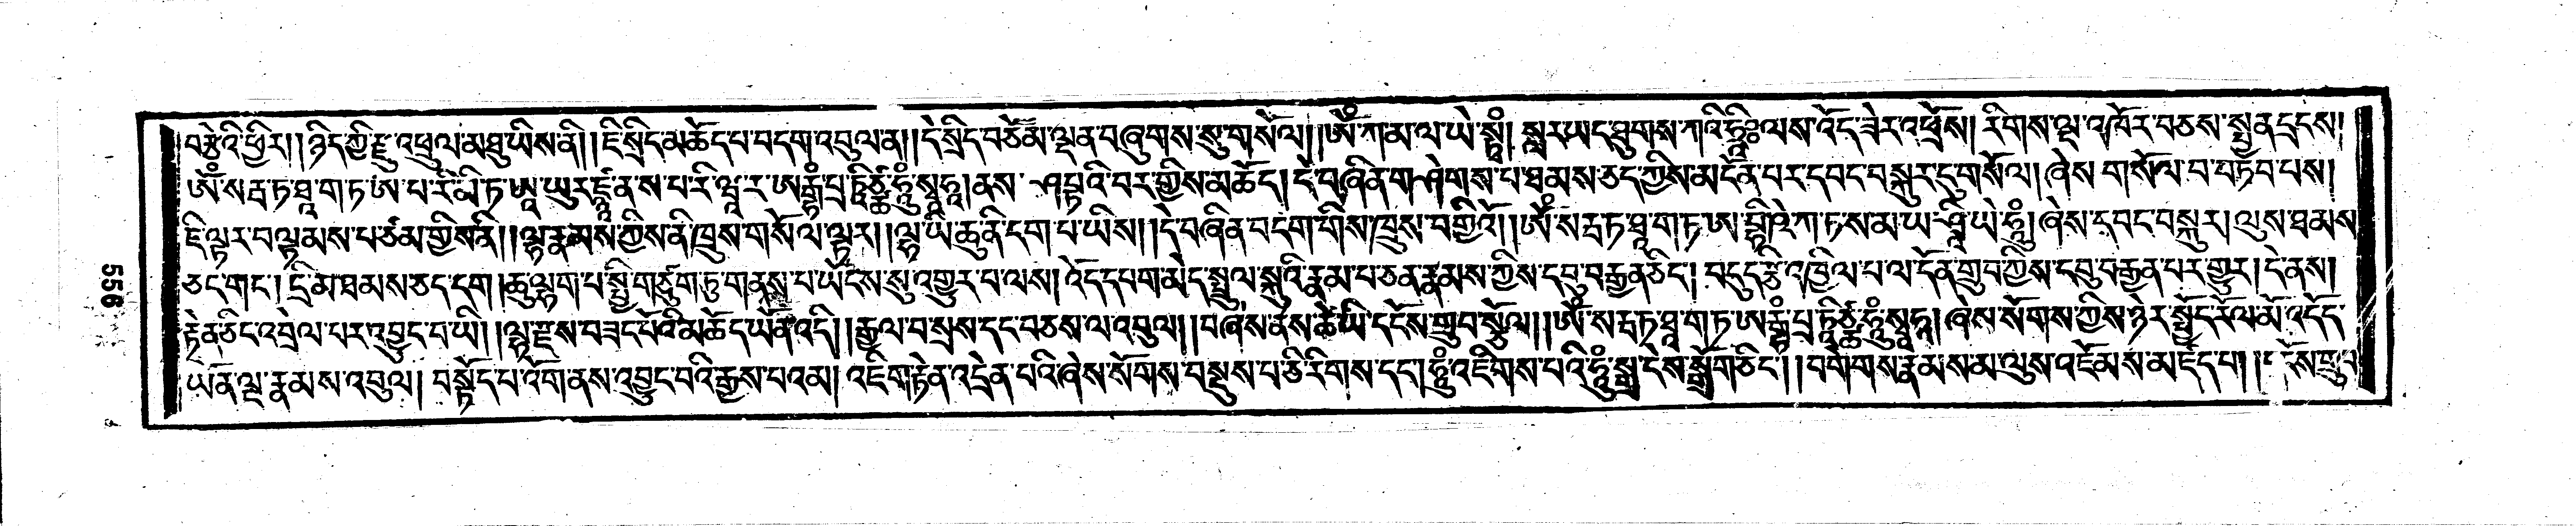བརྩེའི་ཕྱིར། །ཉིད་ཀྱི་རྫུ་འཕྲུལ་མཐུ་ཡིས་ནི། །ཇི་སྲིད་མཆོད་པ་བདག་འབུལ་ན། །དེ་སྲིད་བཅོམ་ལྡན་བཞུགས་སུ་གསོལ། །ཨོཾ་ཀ་མ་ལ་ཡེ་སྟྭཾ། སླར་ཡང་ཐུགས་ཀའི་ཧྲཱིཿ ལས་འོད་ཟེར་འཕྲོས། རིགས་ལྔ་འཁོར་བཅས་སྤྱན་དྲངས།
ཨོཾ་སརྦ་ཏ་ཐཱ་ག་ཏ་ཨ་པ་ར་མི་ཏ་ཨཱ་ཡུ་ར་ཛྙཱན་ས་པ་རི་ཝཱ་ར་ཨརྒྷཾ་པྲ་ཅཱིཙྪ་ཧཱུཾ་སྭཱཧཱ། ནས་ཤཔྟའི་བར་གྱིས་མཆོད། དེ་བཞིན་གཤེགས་པ་ཐམས་ཅད་ཀྱིས་མངོན་པར་དབང་བསྐུར་དུ་གསོལ། ཞེས་གསོལ་བ་བཏབ་པས།
ཇི་ལྟར་བལྟམས་པ་ཙམ་གྱིས་ནི། །ལྷ་རྣམས་ཀྱིས་ནི་ཁྲུས་གསོལ་ལྟར། །ལྷ་ཡི་ཆུ་ནི་དག་པ་ཡིས། །དེ་བཞིན་བདག་གིས་ཁྲུས་བགྱིའོ། །ཨོཾ་སརྦ་ཏ་ཐཱ་ག་ཏ་ཨ་བྷི་ཥེ་ཀ་ཏ་ས་མ་ཡ་ཤྲཱི་ཡེ་ཧཱུཾ། ཞེས་དབང་བསྐུར། ལུས་ཐམས་
ཅད་གང་། དྲི་མ་ཐམས་ཅད་དག །ཆུ་ལྷག་པ་སྤྱི་གཙུག་ཏུ་གནས་པ་ཡོངས་སུ་འགྱུར་པ་ལས། འོད་དཔག་མེད་སྤྲུལ་སྐུའི་རྣམ་པ་ཅན་རྣམས་ཀྱིས་དབུ་བརྒྱན་ཅིང་། བདུད་རྩི་འཁྱིལ་བ་ལ་དོན་གྲུབ་ཀྱིས་དབུ་བརྒྱན་པར་གྱུར། དེ་ནས།
རྟེན་ཅིང་འབྲེལ་པར་འབྱུང་བ་ཡི། །ལྷ་རྫས་བཟང་པོའི་མཆོད་ཡོན་འདི། །རྒྱལ་བ་སྲས་དང་བཅས་ལ་འབུལ། །བཞེས་ནས་ཚེ་ཡི་དངོས་གྲུབ་སྩོལ། །ཨོཾ་སརྦ་ཏ་ཐཱ་ག་ཏ་ཨརྒྷཾ་པྲ་ཏཱི་ཙྪ་ཧཱུཾ་སྭཱཧཱ། ཞེས་སོགས་ཀྱིས་ཉེར་སྤྱོད་རོལ་མོ་འདོད་
ཡོན་ལྔ་རྣམས་འབུལ། བསྟོད་པ་འོག་ནས་འབྱུང་བའི་རྒྱས་པའམ། འཇིག་རྟེན་འདྲེན་པའི་ཞེས་སོགས་བསྡུས་པ་ཅི་རིགས་དང་། ཧཱུཾ་འཇིགས་པའི་ཧཱུཾ་སྒྲ་ངེས་སྒྲོག་ཅིང་། །བགེགས་རྣམས་མ་ལུས་འཇོམས་མཛད་པ། །དངོས་གྲུབ་